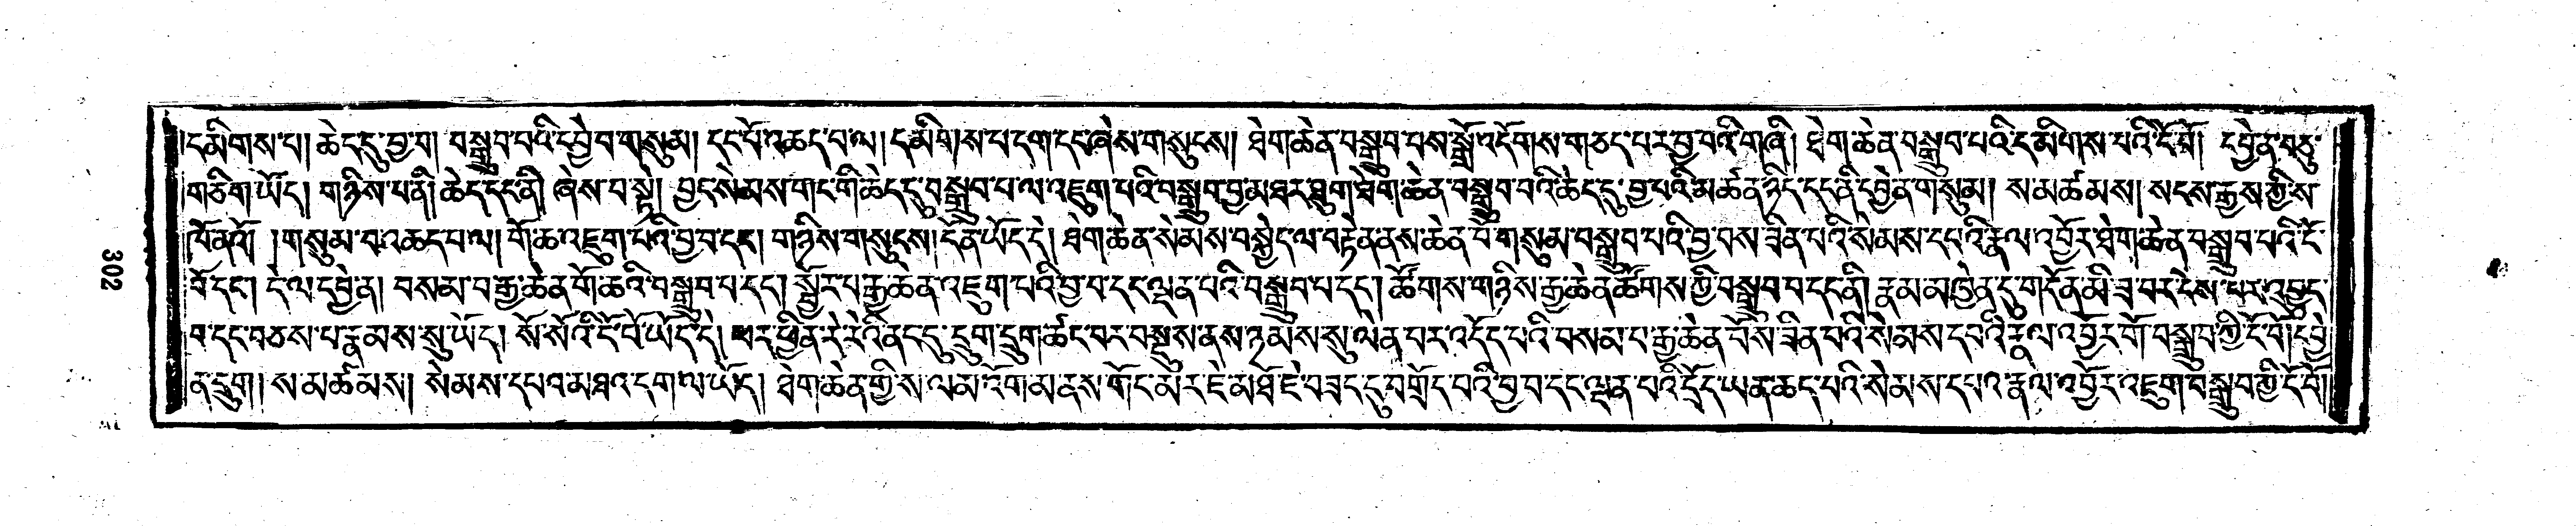དམིགས་པ། ཆེད་དུ་བྱ་བ། བསྒྲུབ་པའི་དབྱེ་བ་གསུམ། དང་པོ་འཆད་པ་ལ། དམིགས་པ་དག་དང་ཞེས་གསུངས། ཐེག་ཆེན་བསྒྲུབ་པས་སྒྲོ་འདོགས་གཅད་པར་བྱ་བའི་གཞི། ཐེག་ཆེན་བསྒྲུབ་པའི་དམིགས་པའི་ངོ་བོ། དབྱེ་ན་བཅུ་
གཅིག་ཡོད། གཉིས་པ་ནི། ཆེད་དང་ནི། ཞེས་པ་སྟེ། བྱང་སེམས་གང་གི་ཆེད་དུ་བསྒྲུབ་པ་ལ་འཇུག་པའི་བསྒྲུབ་བྱ་མཐར་ཐུག་ཐེག་ཆེན་བསྒྲུབ་པའི་ཆེད་དུ་བྱ་བའི་མཚན་ཉིད་དང་ནི་དབྱེ་ན་གསུམ། ས་མཚམས། སངས་རྒྱས་ཀྱི་ས་
ཁོ་ནའོ། །གསུམ་པ་འཆད་པ་ལ། གོ་ཆ་འཇུག་པའི་བྱ་བ་དང་། གཉིས་གསུངས། དོན་ཡོད་དེ། ཐེག་ཆེན་སེམས་བསྐྱེད་ལ་བརྟེན་ནས་ཆེན་པོ་གསུམ་བསྒྲུབ་པའི་བྱ་བས་ཟིན་པའི་སེམས་དཔའི་རྣལ་འབྱོར་ཐེག་ཆེན་བསྒྲུབ་པའི་ངོ་
བོ་དང་། དེ་ལ་དབྱེ་ན། བསམ་པ་རྒྱ་ཆེན་གོ་ཆའི་བསྒྲུབ་པ་དང་། སྦྱོར་བ་རྒྱ་ཆེན་འཇུག་པའི་བྱ་བ་དང་ལྡན་པའི་བསྒྲུབ་པ་དང་། ཚོགས་གཉིས་རྒྱ་ཆེན་ཚོགས་ཀྱི་བསྒྲུབ་པ་དང་ནི། རྣམ་མཁྱེན་དུ་གདོན་མི་ཟ་བར་ངེས་པར་འབྱུང་
བ་དང་བཅས་པ་རྣམས་སུ་ཡོད། སོ་སོའི་ངོ་བོ་ཡོད་དེ། ཕར་ཕྱིན་རེ་རེའི་ནང་དུ་དྲུག་དྲུག་ཚང་བར་བསྡུས་ནས་ཉམས་སུ་ལེན་པར་འདོད་པའི་བསམ་པ་རྒྱ་ཆེན་པོས་ཟིན་པའི་སེམས་དཔའི་རྣལ་འབྱོར་གོ་བསྒྲུབ་ཀྱི་ངོ་བོ། དབྱེ་
ན་དྲུག །ས་མཚམས། སེམས་དཔའ་མཐའ་དག་ལ་ཡོད། ཐེག་ཆེན་གྱིས་ལམ་འོག་མ་ནས་གོང་མར་ཇེ་མཐོ་ཇེ་བཟང་དུ་བགྲོད་པའི་བྱ་བ་དང་ལྡན་པའི་དྲོད་ཡན་ཆད་པའི་སེམས་དཔའ་རྣལ་འབྱོར་འཇུག་བསྒྲུབ་ཀྱི་ངོ་བོ།